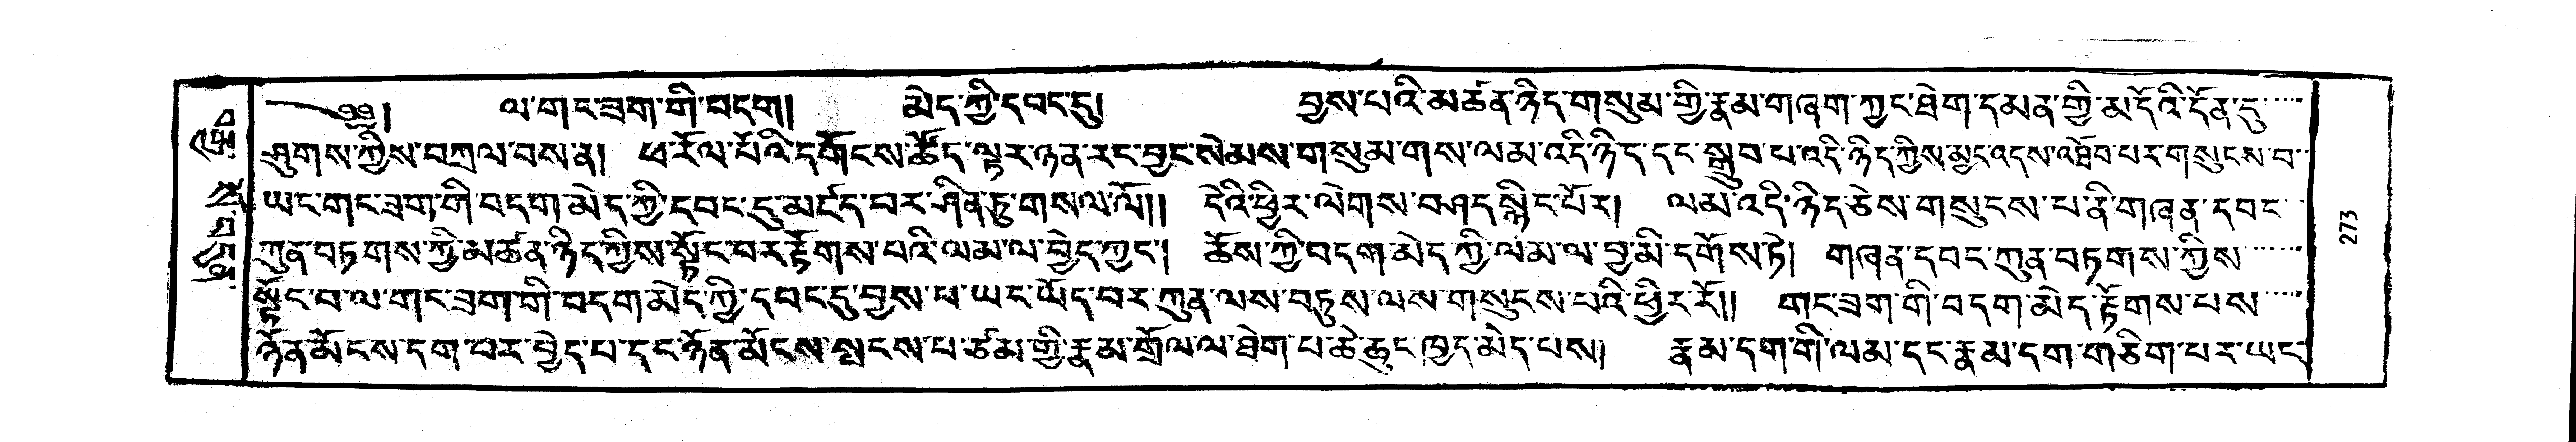༄༅། །ལ་གང་ཟག་གི་བདག །མེད་ཀྱི་དབང་དུ། བྱས་པའི་མཚན་ཉིད་གསུམ་གྱི་རྣམ་གཞག་ཀྱང་ཐེག་དམན་གྱི་མདོའི་དོན་དུ་
ཤུགས་ཀྱིས་བཀྲལ་བས་ན། ཕ་རོལ་པོའི་དགོངས་ཚོད་ལྟར་ཉན་རང་བྱང་སེམས་གསུམ་གས་ལམ་འདི་ཉིད་དང་སྒྲུབ་པ་འདི་ཉིད་ཀྱིས་མྱང་འདས་འཐོབ་པར་གསུངས་པ་
ཡང་གང་ཟག་གི་བདག་མེད་ཀྱི་དབང་དུ་མཛད་པར་ཤིན་ཏུ་གསལ་ལོ། །དེའི་ཕྱིར་ལེགས་བཤད་སྙིང་པོར། ལམ་འདི་ཉིད་ཅེས་གསུངས་པ་ནི་གཞན་དབང་
ཀུན་བཏགས་ཀྱི་མཚན་ཉིད་ཀྱིས་སྟོང་པར་རྟོགས་པའི་ལམ་ལ་བྱེད་ཀྱང་། ཆོས་ཀྱི་བདག་མེད་ཀྱི་ལམ་ལ་བྱ་མི་དགོས་ཏེ། གཞན་དབང་ཀུན་བཏགས་ཀྱིས་
སྟོང་བ་ལ་གང་ཟག་གི་བདག་མེད་ཀྱི་དབང་དུ་བྱས་པ་ཡང་ཡོད་པར་ཀུན་ལས་བཏུས་ལས་གསུངས་པའི་ཕྱིར་རོ། །གང་ཟག་གི་བདག་མེད་རྟོགས་པས་
ཉོན་མོངས་དག་པར་བྱེད་པ་དང་ཉོན་མོངས་སྤངས་པ་ཙམ་གྱི་རྣམ་གྲོལ་ལ་ཐེག་པ་ཆེ་ཆུང་ཁྱད་མེད་པས། རྣམ་དག་གི་ལམ་དང་རྣམ་དག་གཅིག་པར་ཡང་